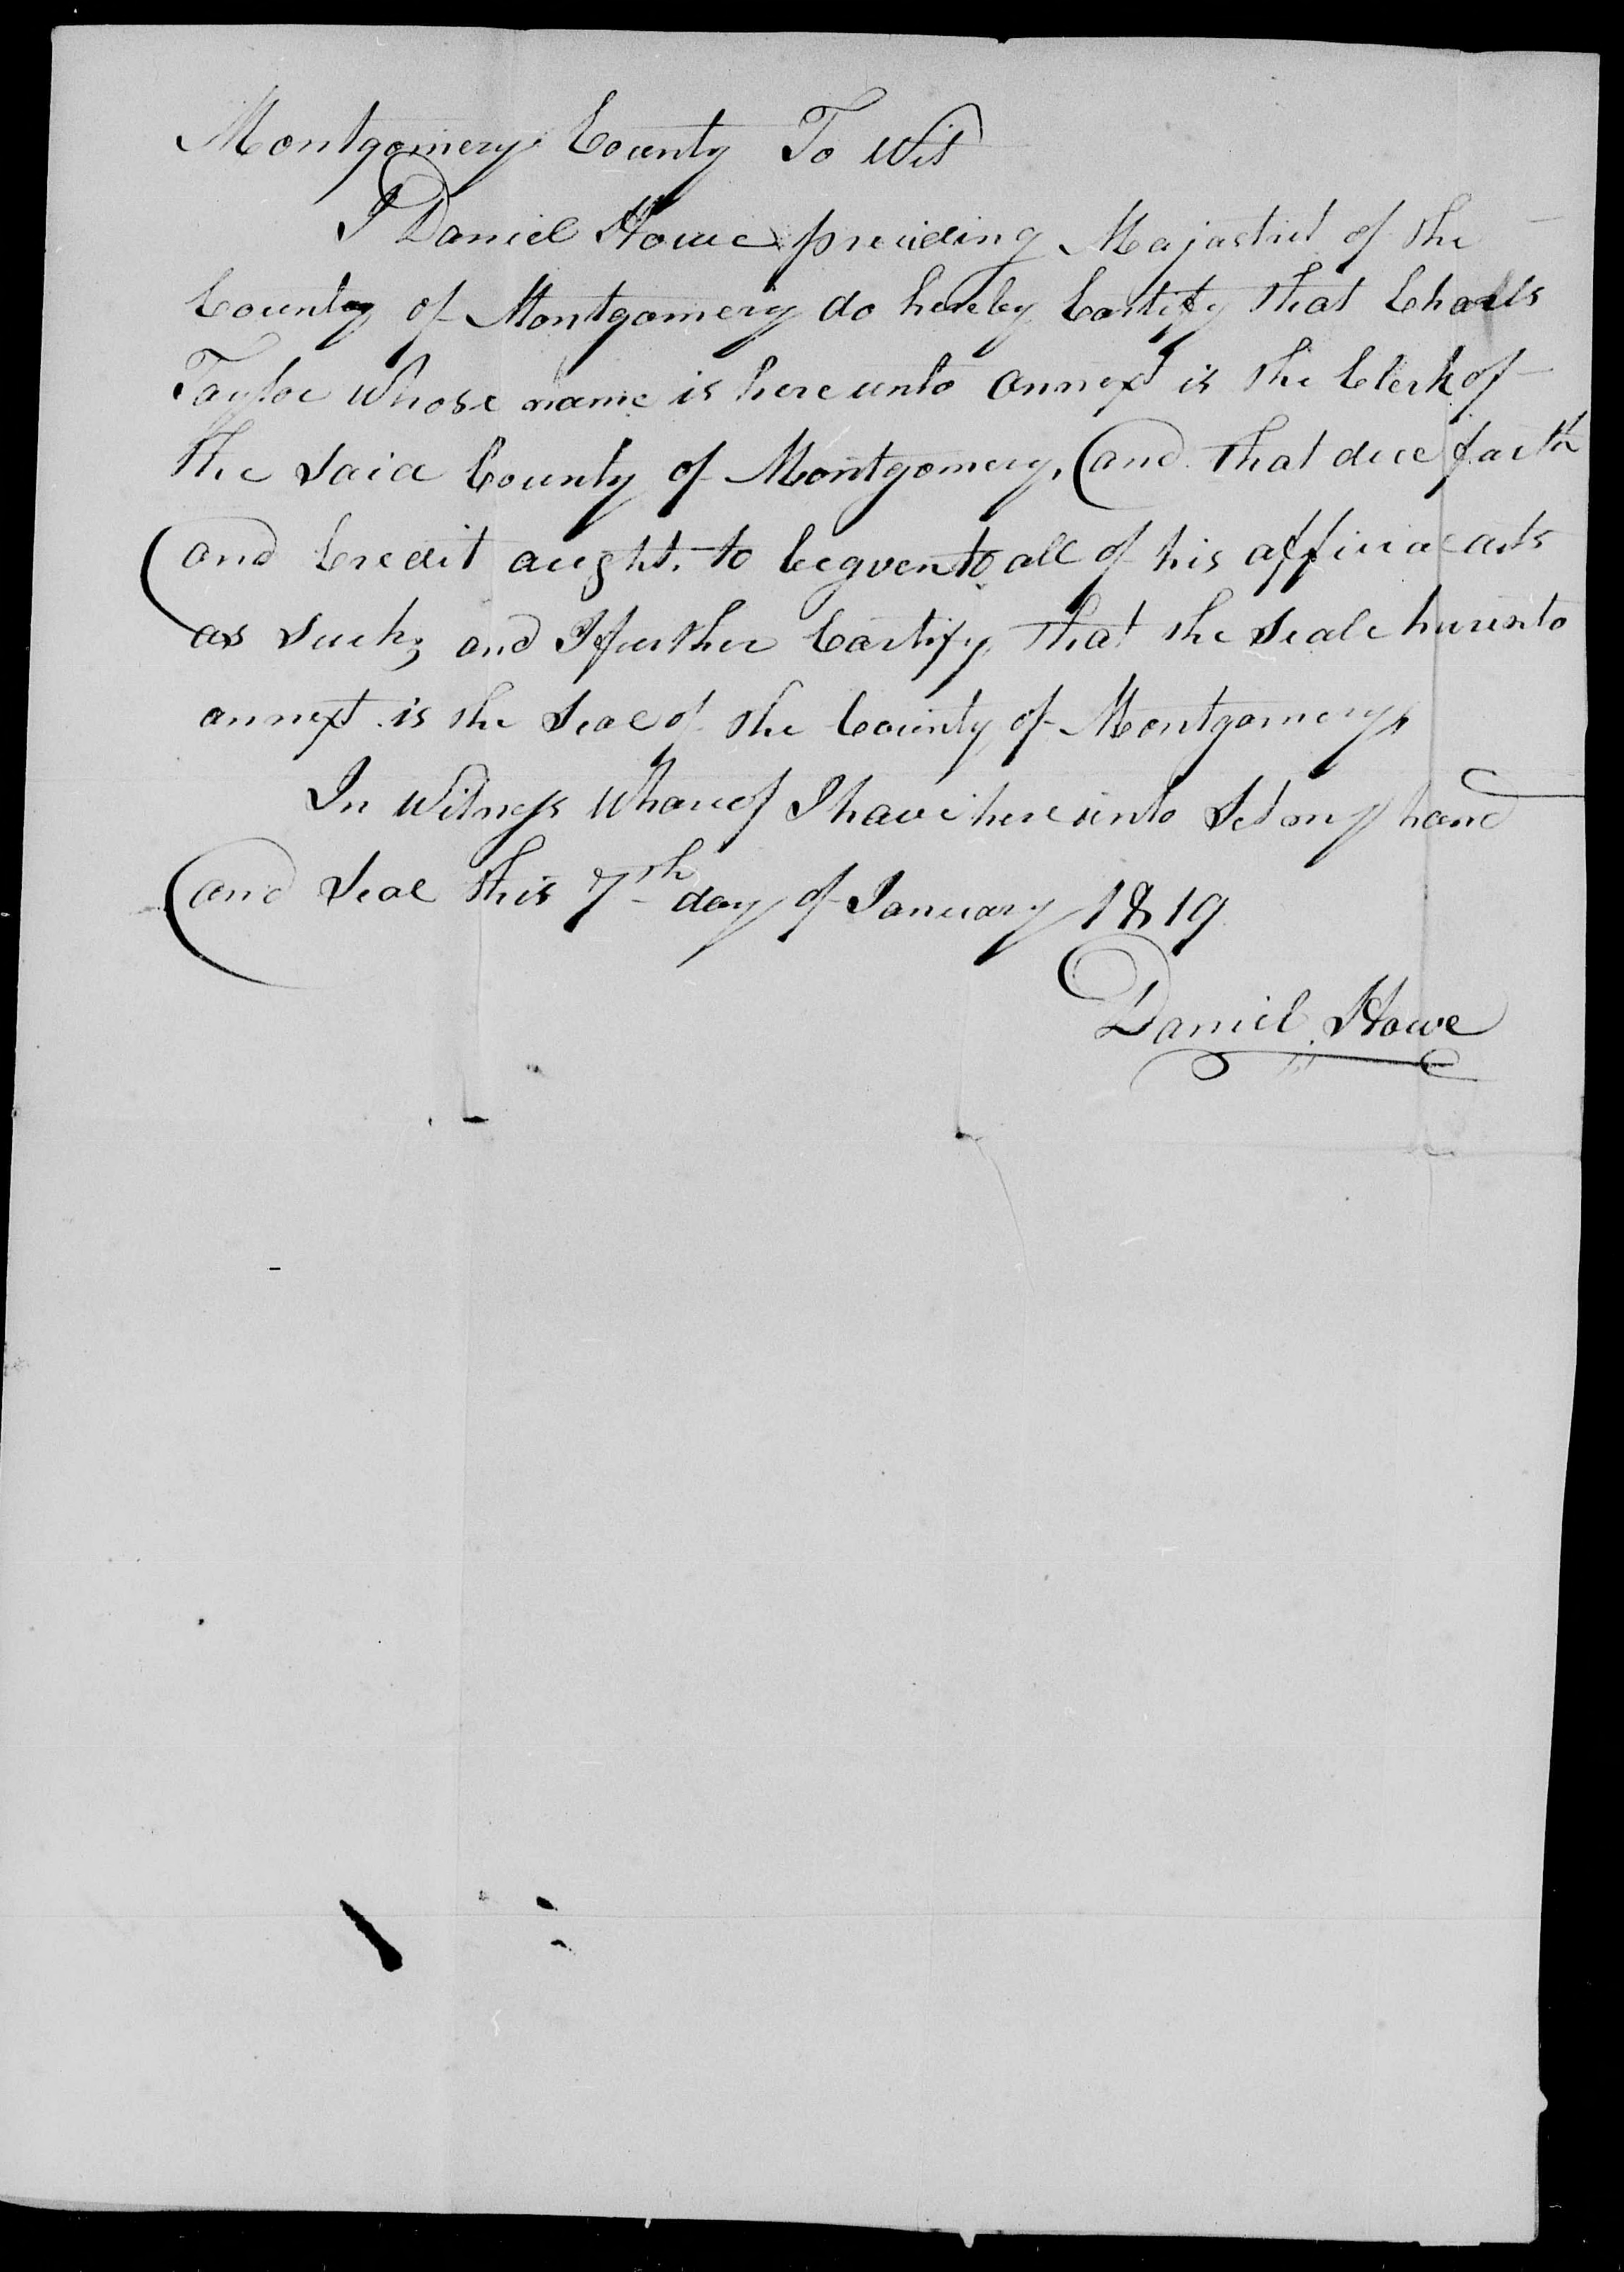Montgomery County To Wit
I Daniel Howe presiding Magistrate of the County of Montgomery do hereby Certify that Charls Taylor whose name is hereunto annexed is the Clerk of the said County of Montgomery and that due faith and credit ought to be given to all of his official seals as such; and I further certify that the Seal hereunto annexed is the Seal of the County of Montgomery.
In witness whereof I have hereunto set my hand and Seal this 7th day of January 1819
Daniel Howe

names: Daniel Howe, Daniel Howe, Charls Taylor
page: 6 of 15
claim: survivor's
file: S. 38016, Michael Henderliter, Penn.